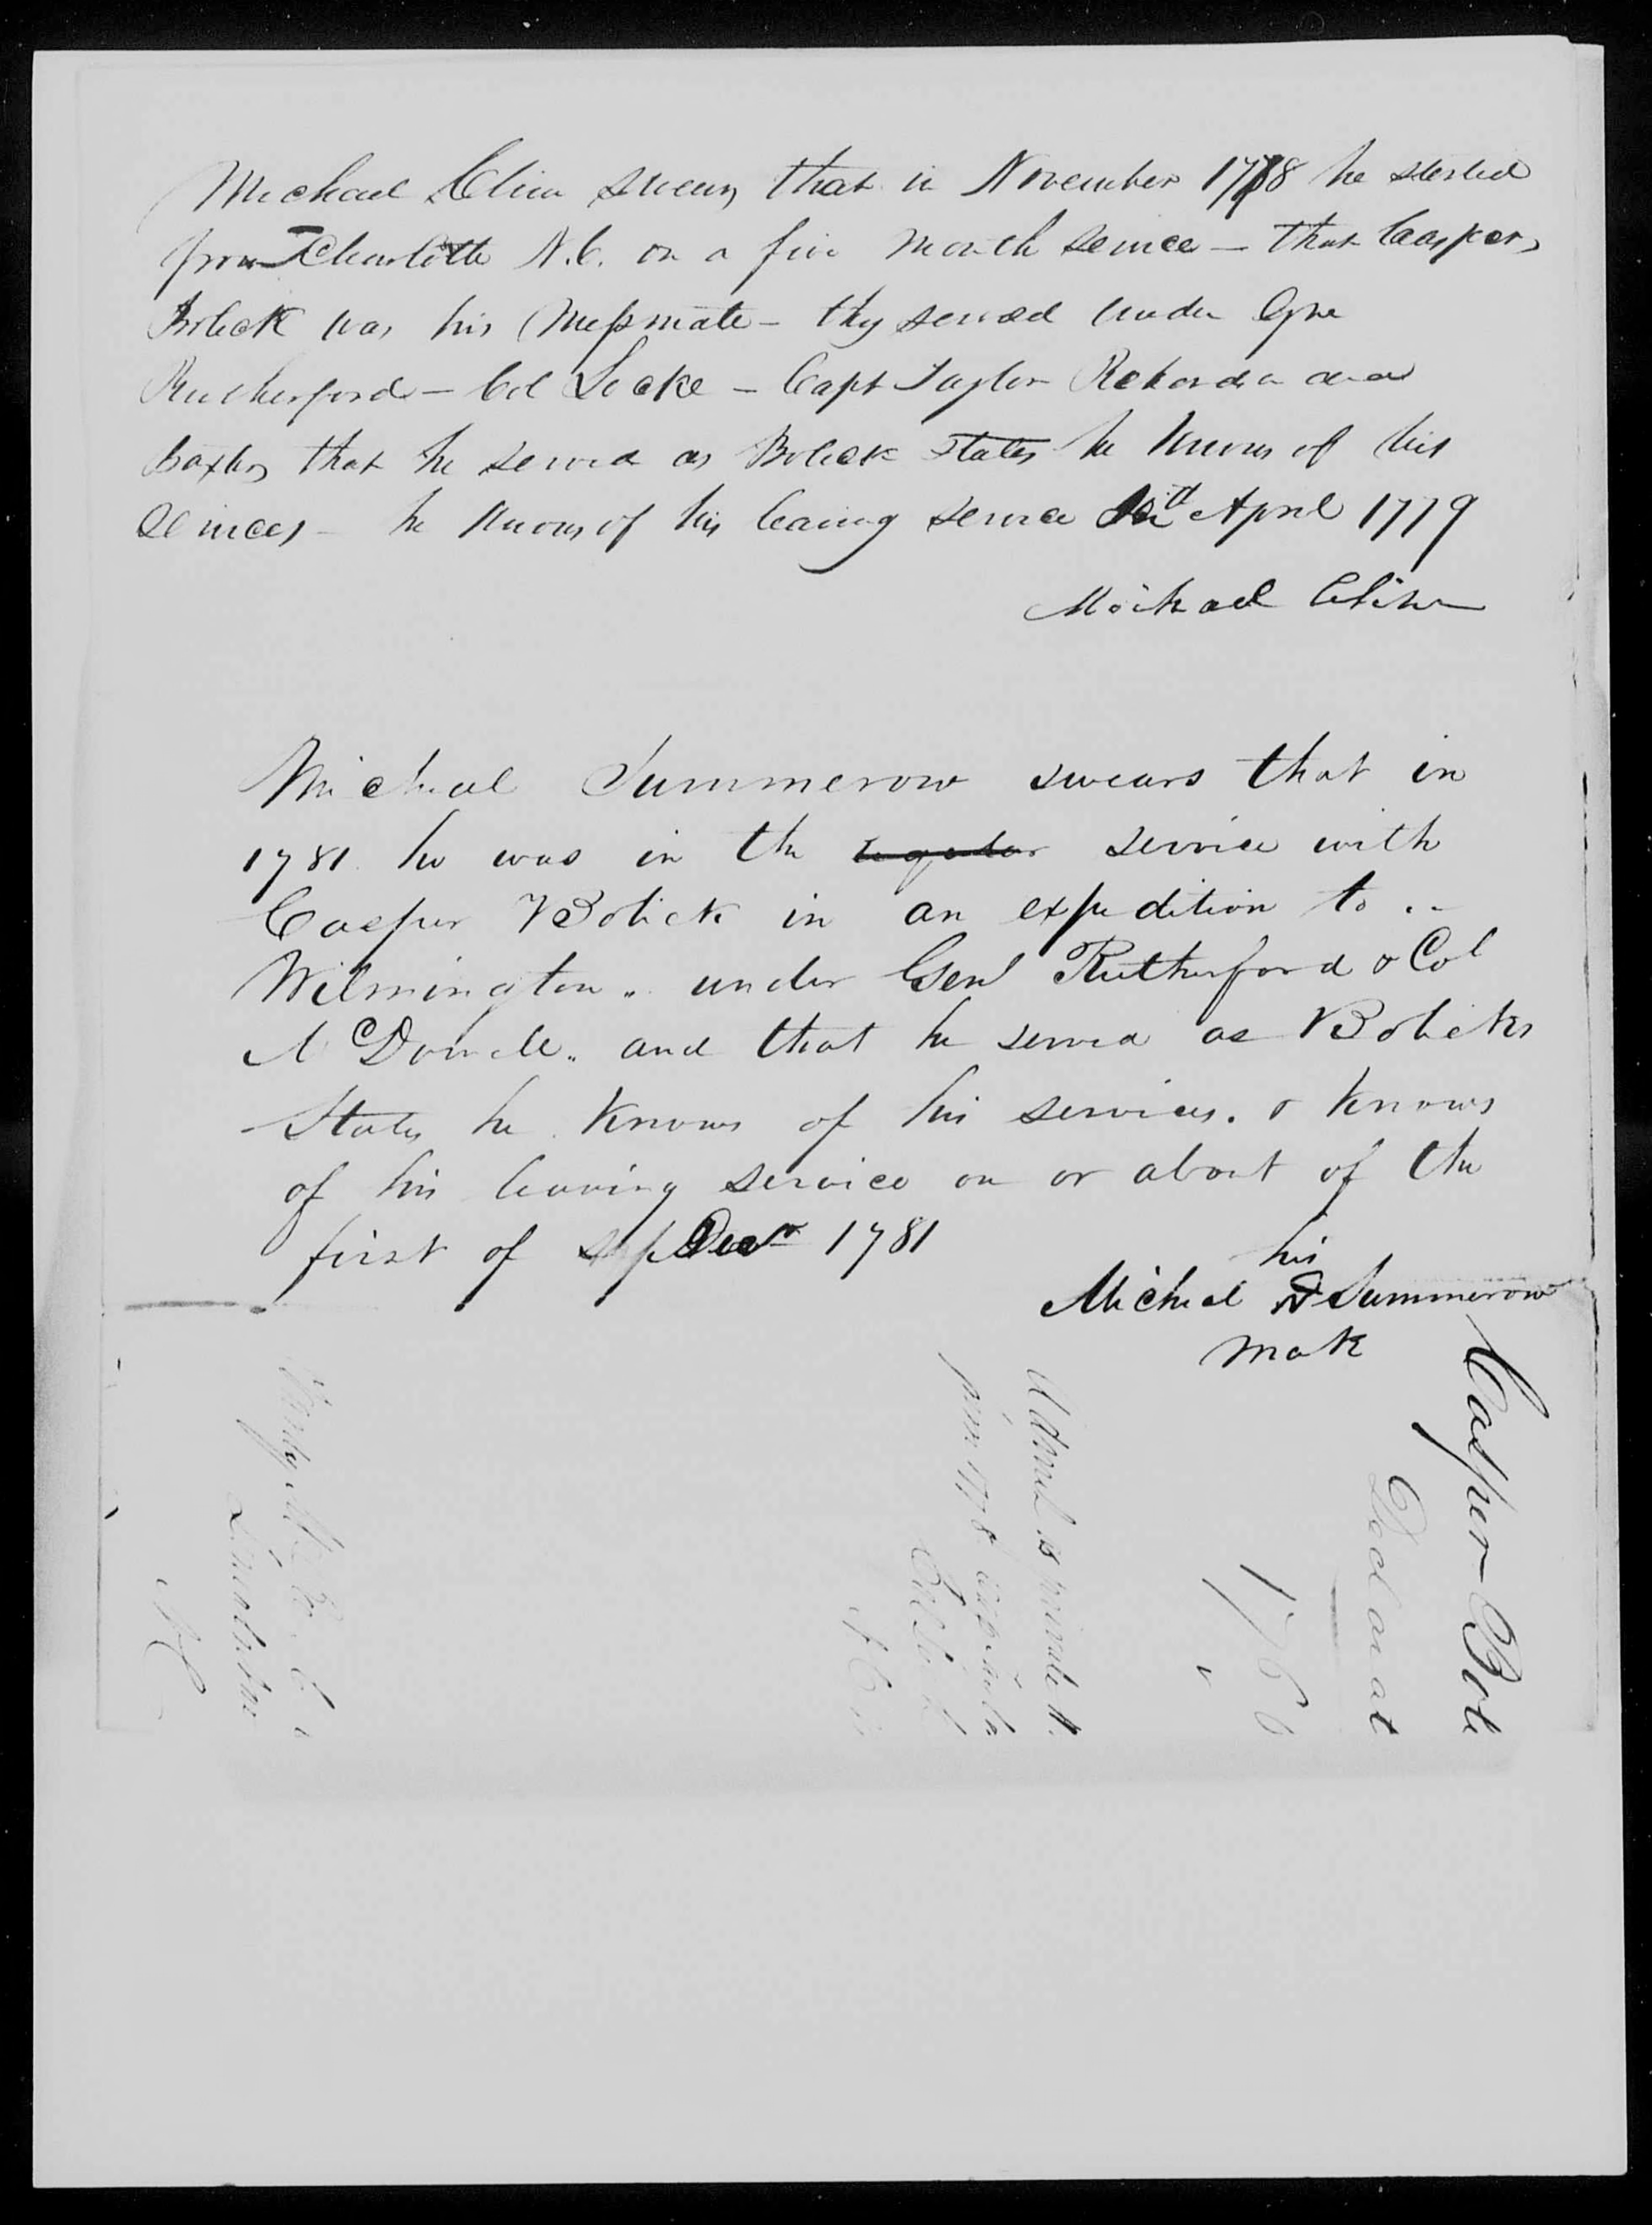Michael Cline swears that in November 1778 he started from Charlotte N.C. on a five month service - that Casper Bolick was his messmate - they served under Gen'l. Rutherford  Col. Locke - Capt. Taylor Richardson  Baxter, that he served as Bolick states he knows of his services  - he knows of his leaving service in 20th April 1779
[Signature] Michael Cline

Michael Summerow swears that in 1781 he was in the service with Casper Bolick in an expedition to  Wilmington. under Gen'l Rutherford & Col. McDowell and that he served as Bolick States he knows of his services & knows of his leaving service on or about the first of Dec. 1781
[Signature] Michael Summerow D his mark


Casper Bolick
Declarant
1760

Admit as private 11 from 1778 
[illegible]
N. Car.

[illegible] Lincolnton H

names: Boxter, Mc Dowell, Locke, Rutherford, Micheal Summerow, Casper Bolick, Taylor Rekorda, Casper Bole, Michael Cline, Rutherford, Casper Bolick, , Michael Cline, Michael Summerow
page: 14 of 43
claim: widow's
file: W. 18,566, Casper Bolick, N.C.